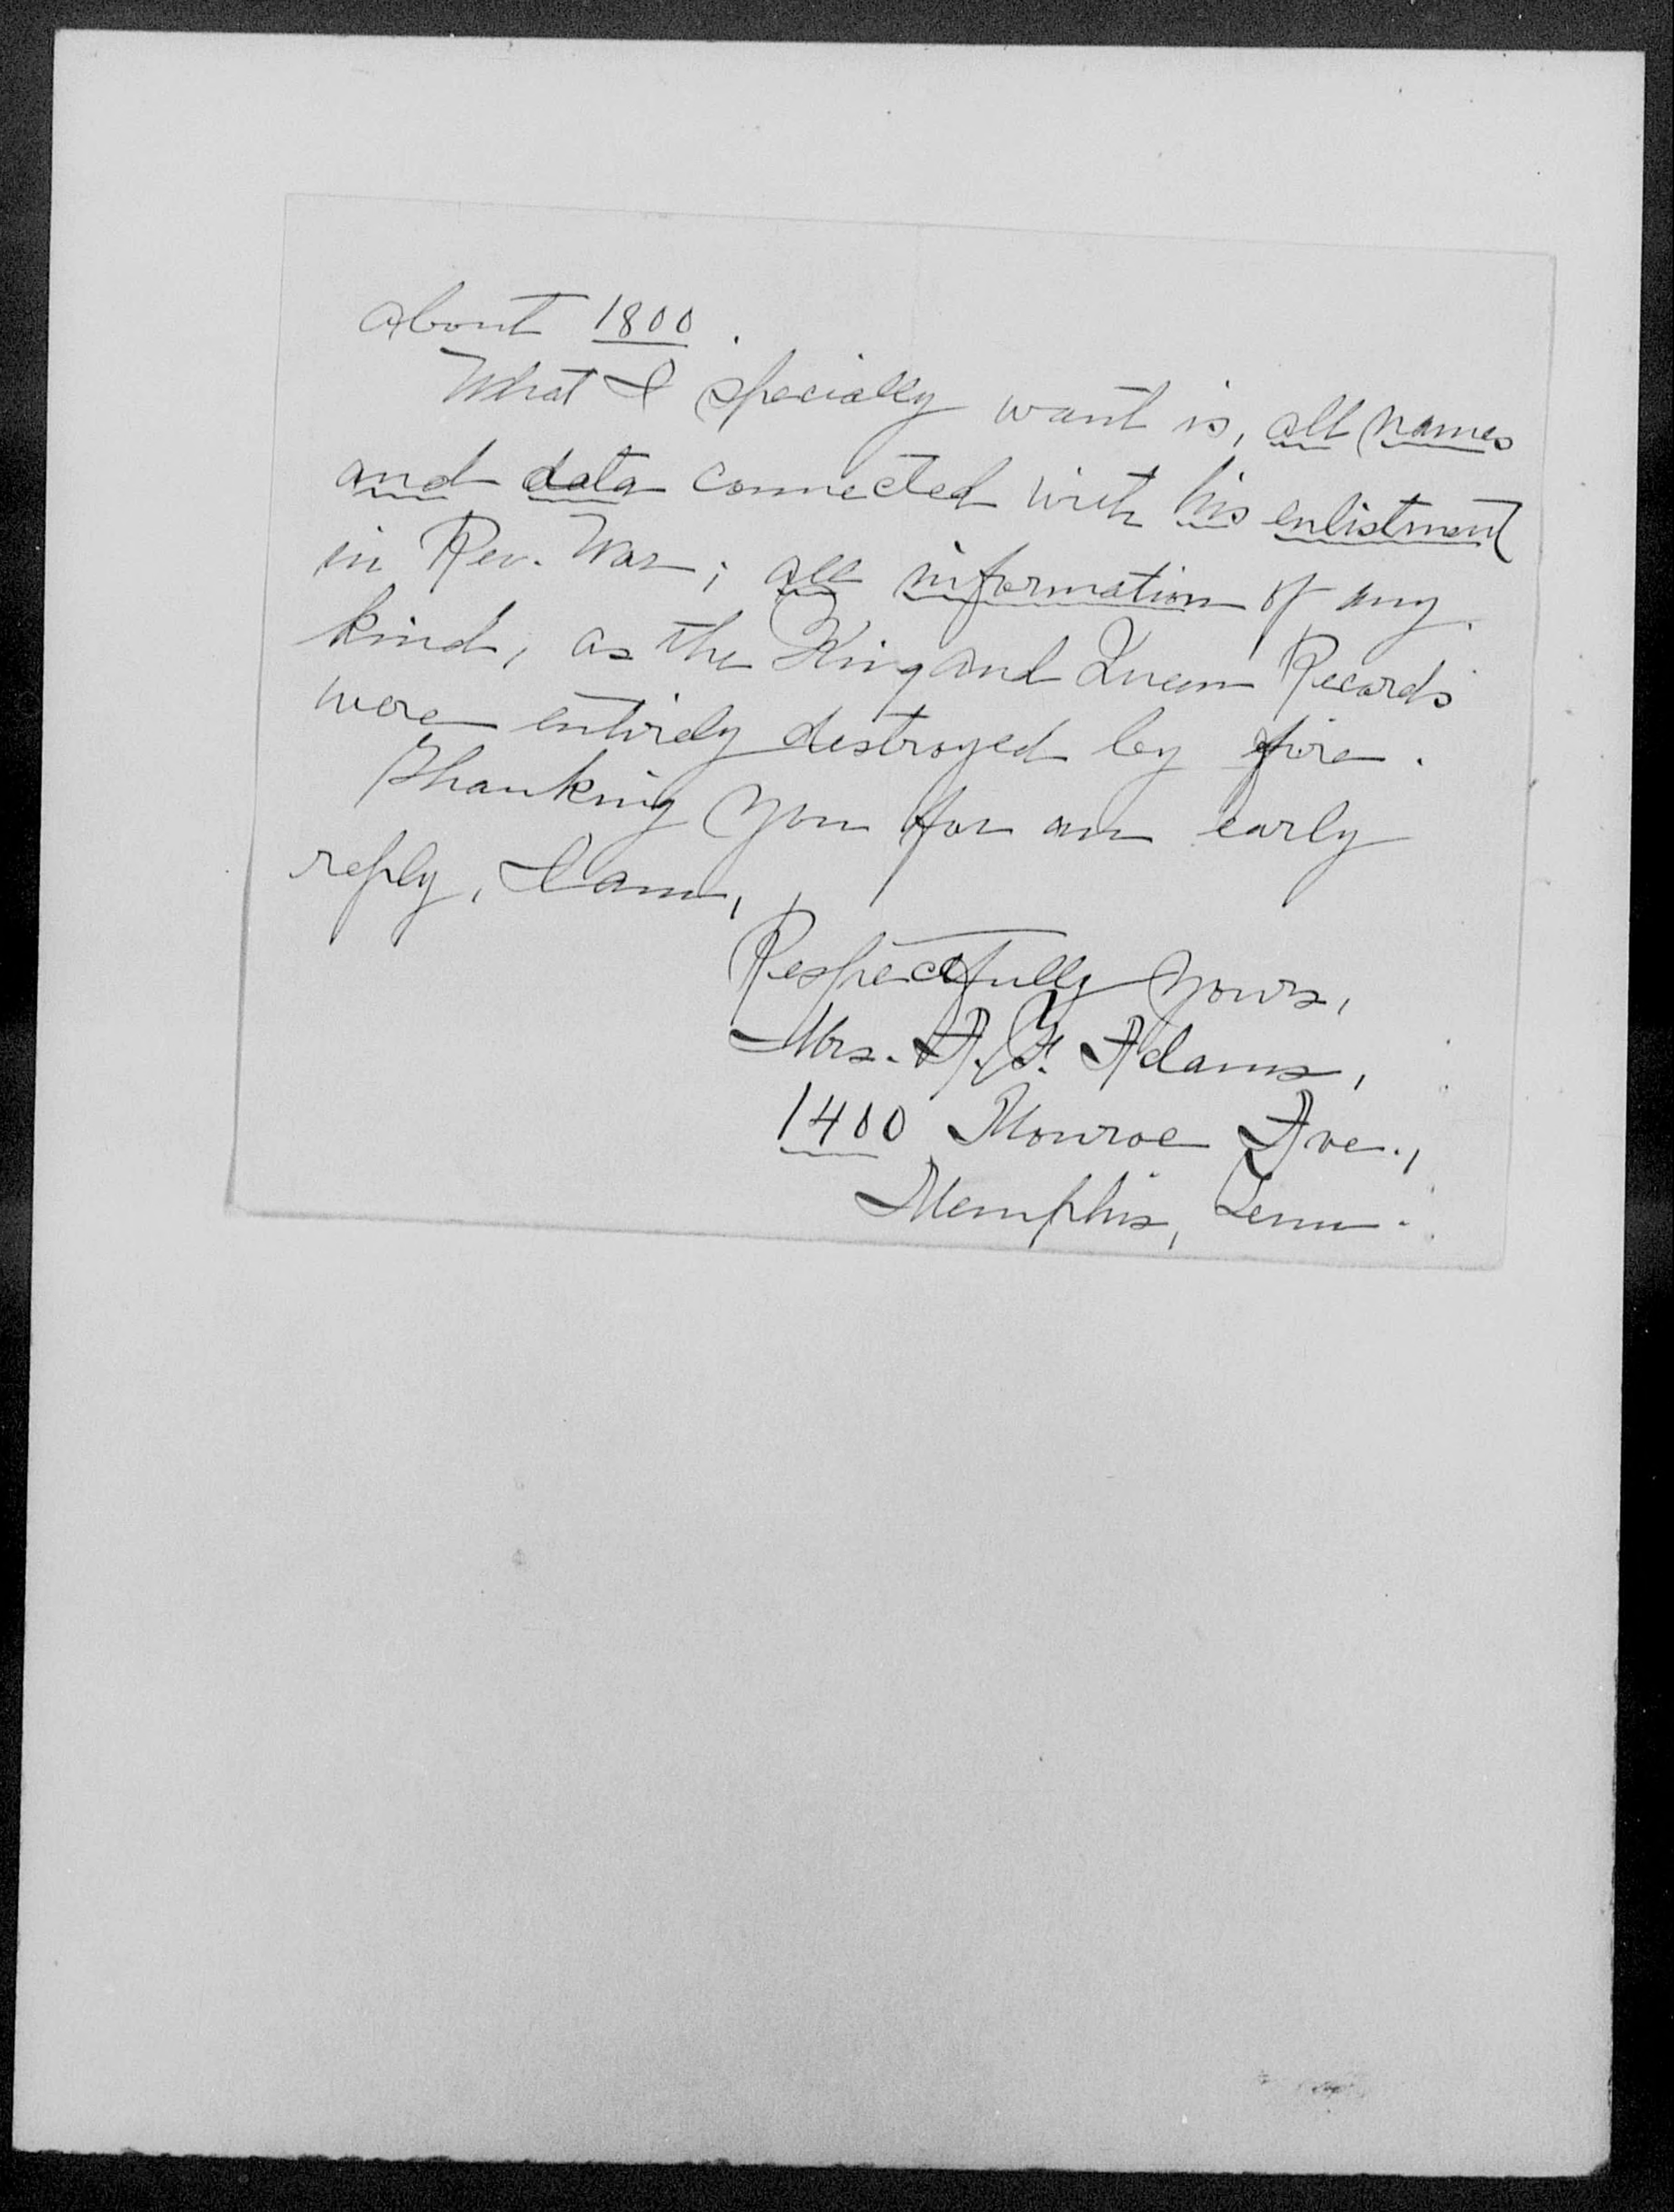about 1800.
What I specially want is all names and data connected with his enlistment in Rev. War; all information of any kind, as the King and Queen Records were entirely destroyed by fire.
Thanking you for an early reply, I am,
Respectfully yours,
Mrs. A. F. Adams,
1480 Monroe Ave.,
Memphis, Tenn.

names: A F Adams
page: 145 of 267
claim: widow's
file: W. 4,149, William Campbell, Va.